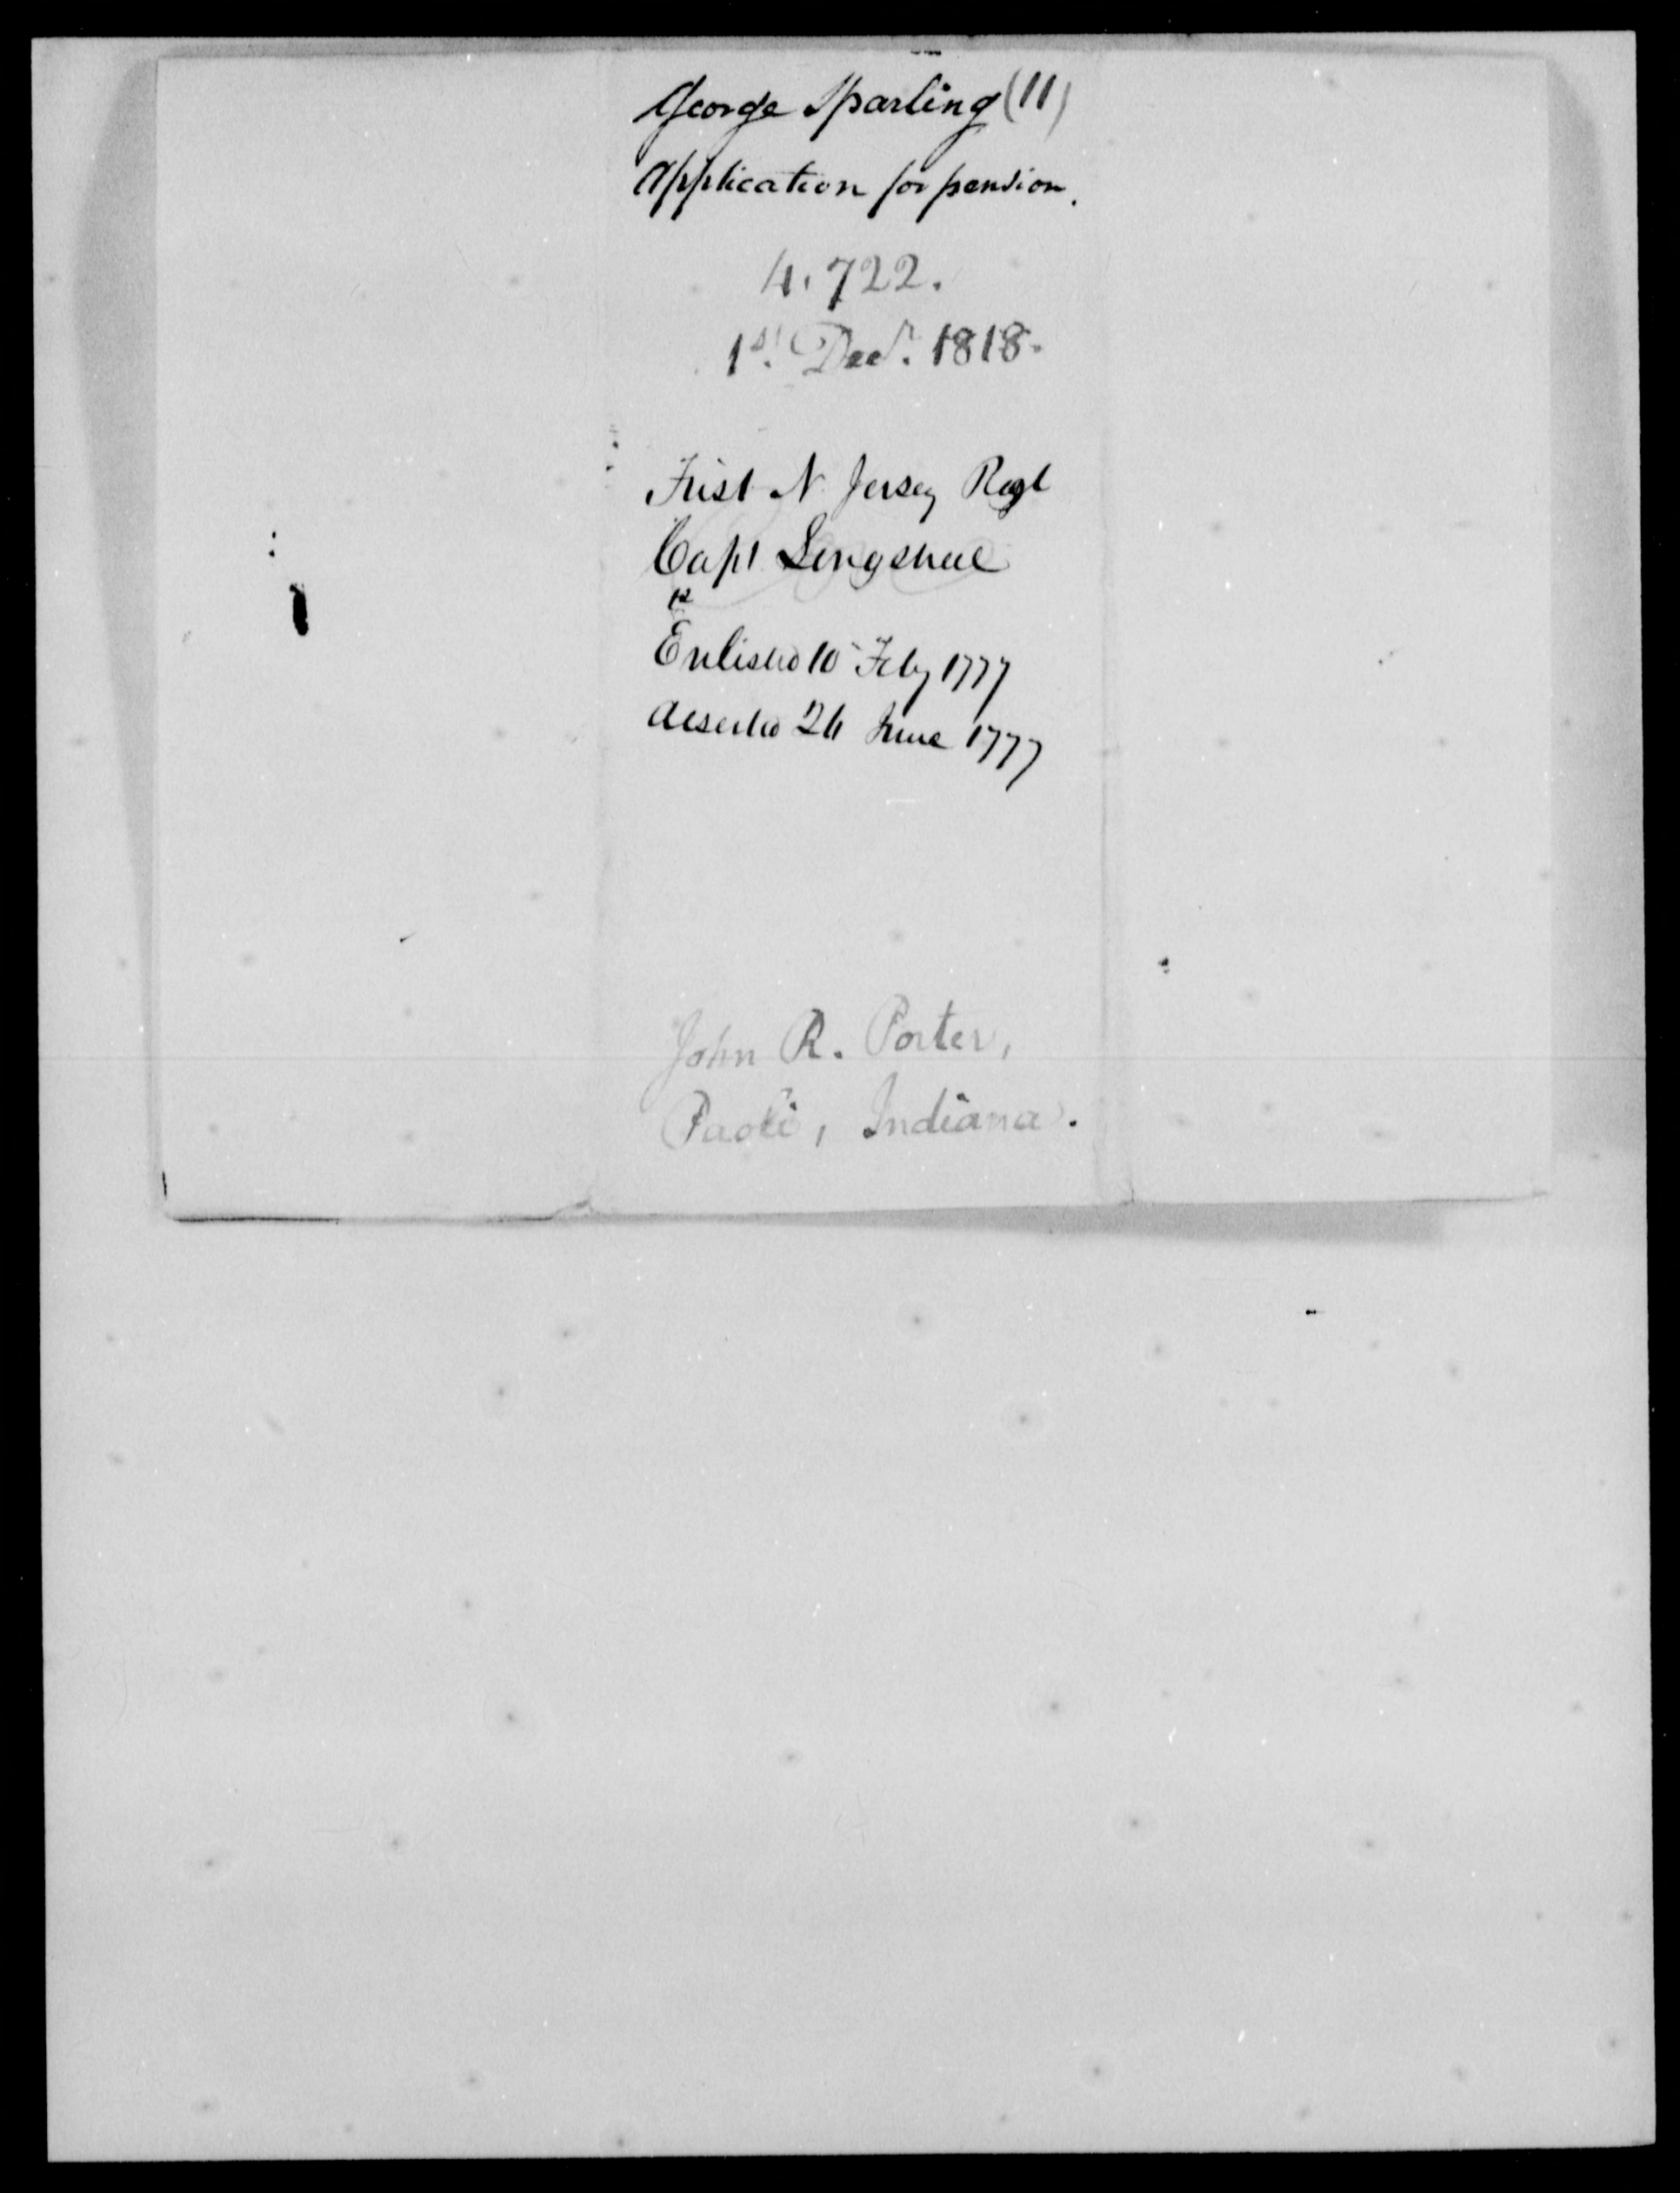George Sparling (11)
application for pension.
4.722
1st Dec.1818.

First N. Jersey Regt
Capt Singshul
Enlisted 10 July 1777
deserted 26 June 1777


John R. Porter,
Paoli, Indiana.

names: [BLANK] Longstreet; John R Porter; George Sparling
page: 8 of 20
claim: survivor's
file: S. 36,783, for George Sparling, New Jersey